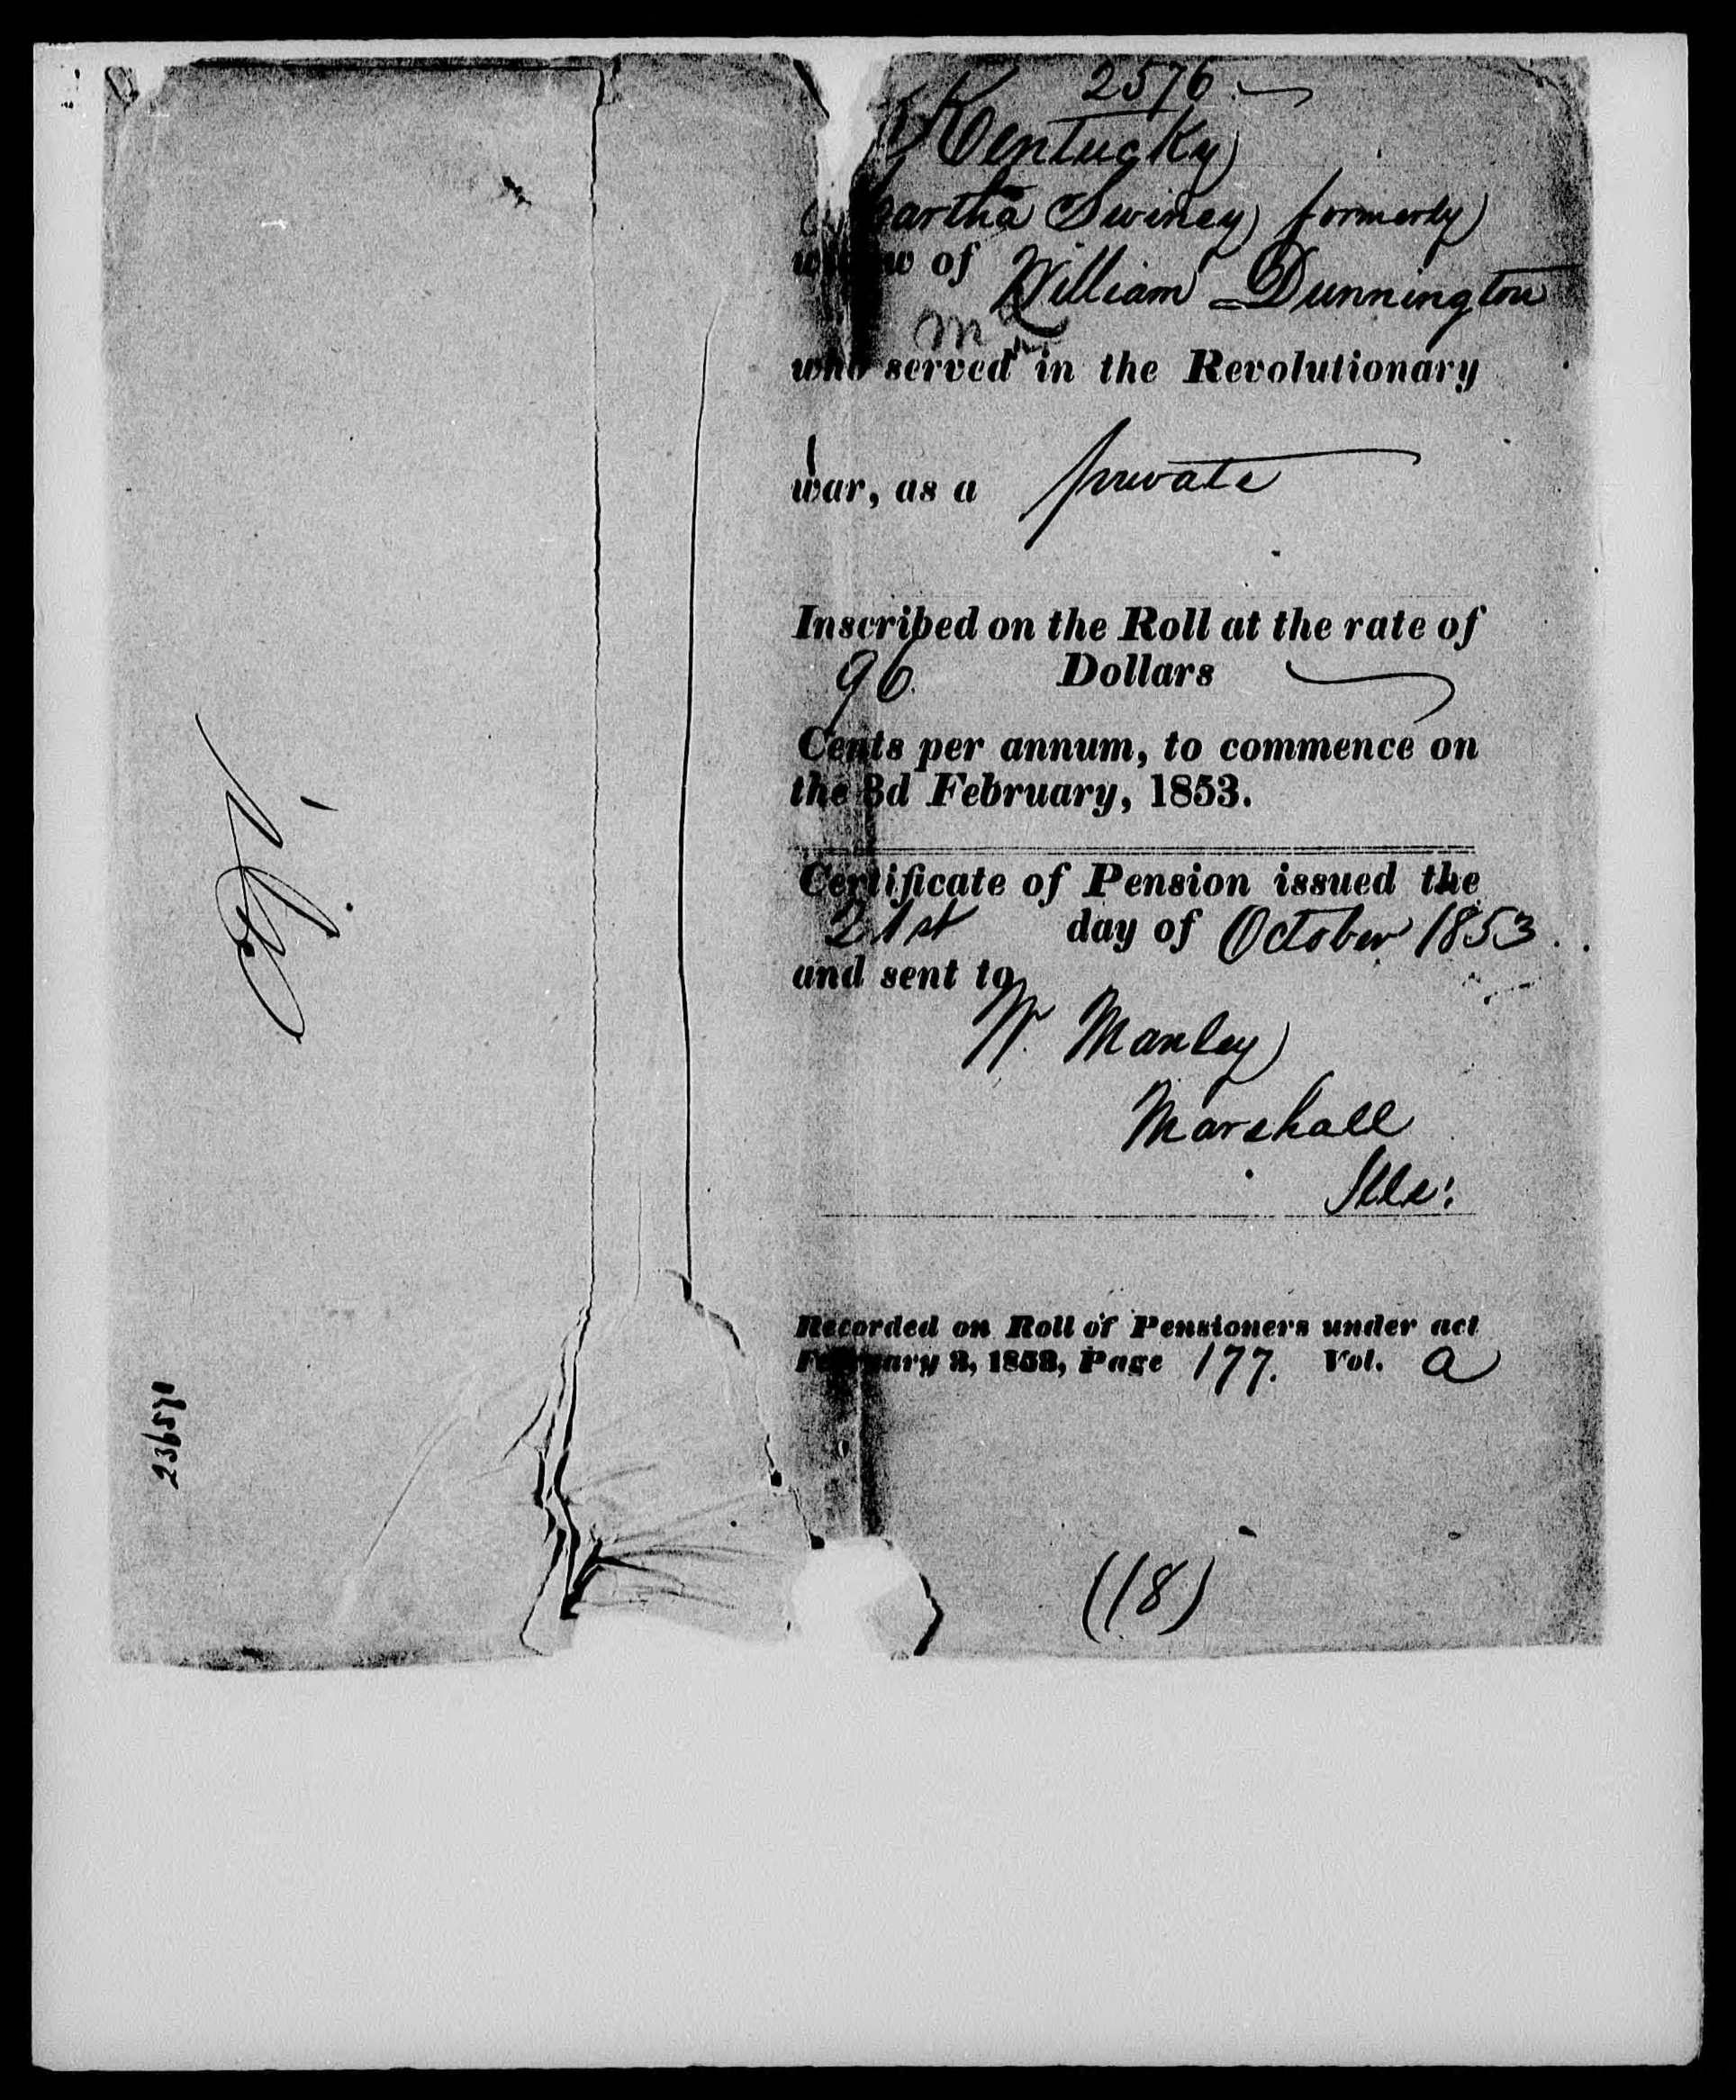2576
Kentucky

Martha Swiney formerly 
widow of William Dunnington
who served in the Revolutionary war, as a Private
Inscribed on the Roll at the rate of 96 Dollars -- Cents per annum, to commence on the 3d February, 1853.
Certificate of Pension issued the 
21st day of October 1853
and sent to W Manley
Marshall
[illegible] :
Recorded on roll of Pensioners under act
February 8, 1852 Page 177. Vol a
(18)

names: W Manley, William Dunning, Martha Swiney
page: 5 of 51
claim: widow's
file: W. 27,409, William Dunnington, Md.